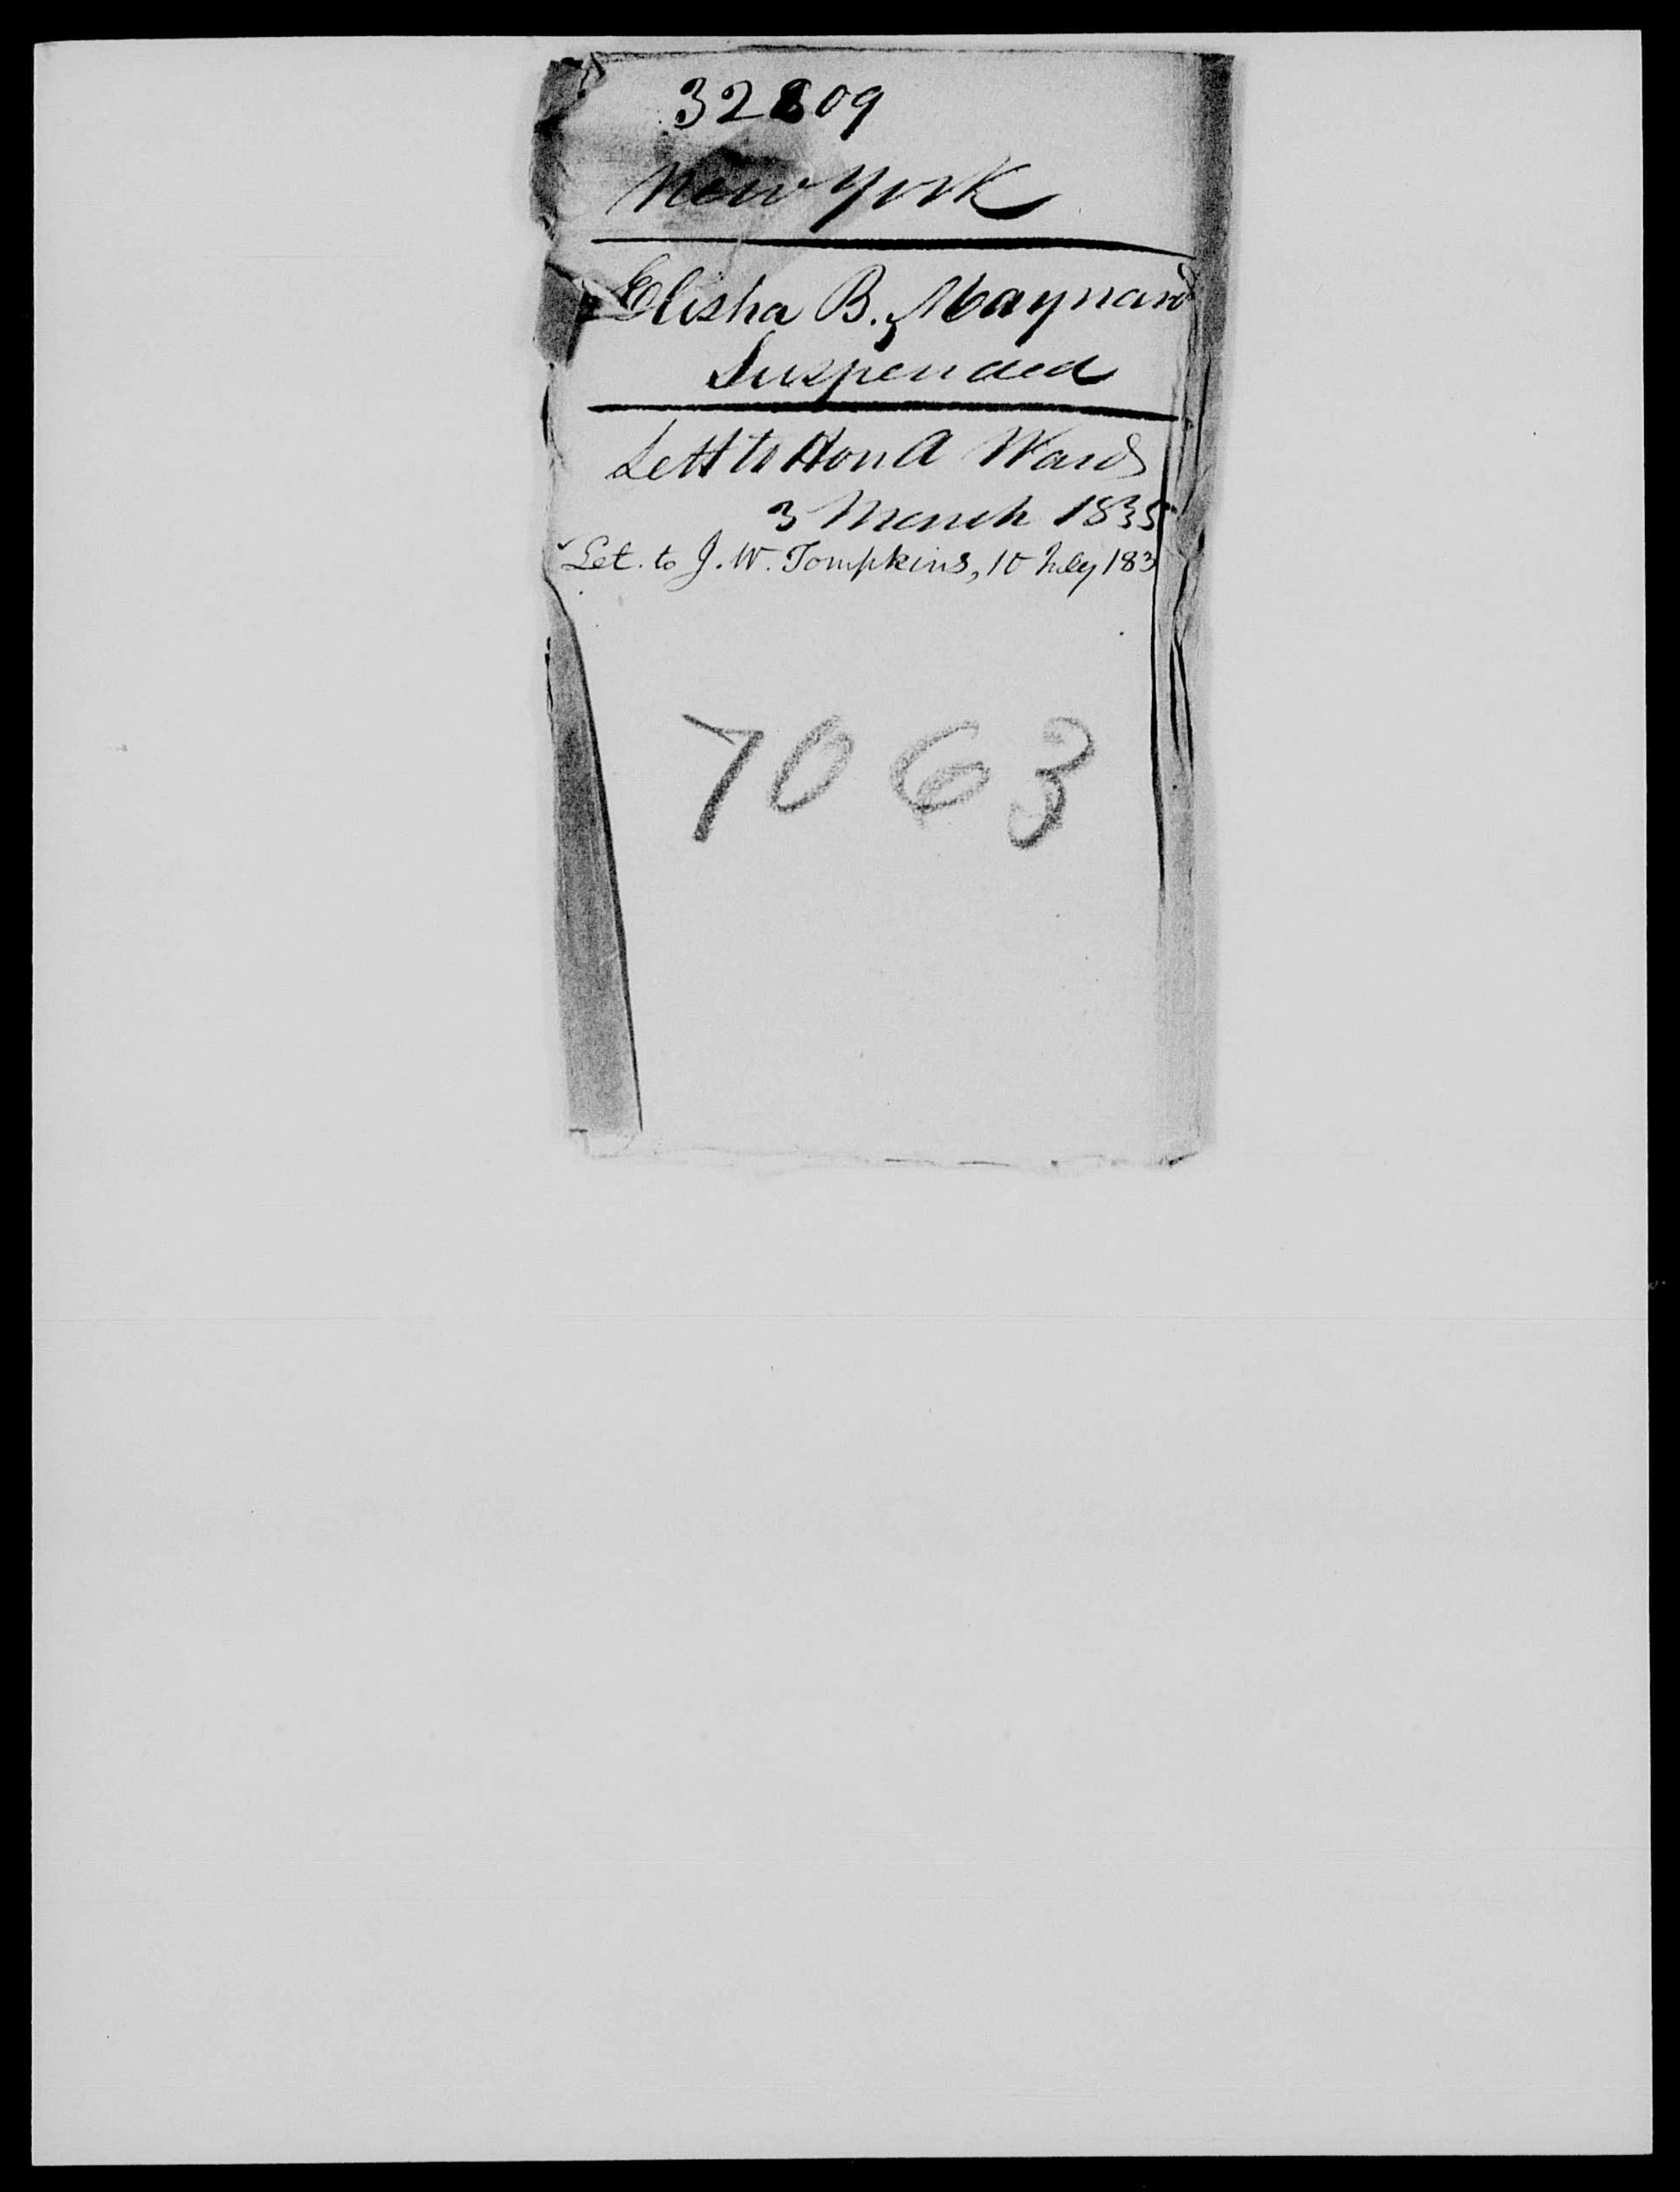32,809
New York
Elisha B. Maynard
Suspended
Lett to Hon A. Ward 3 March 1835
Let. to J.W. Tompkins, 10 July 183?
7063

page: 20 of 33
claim: rejected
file: R. 7,063, for Elisha B Maynard, New York